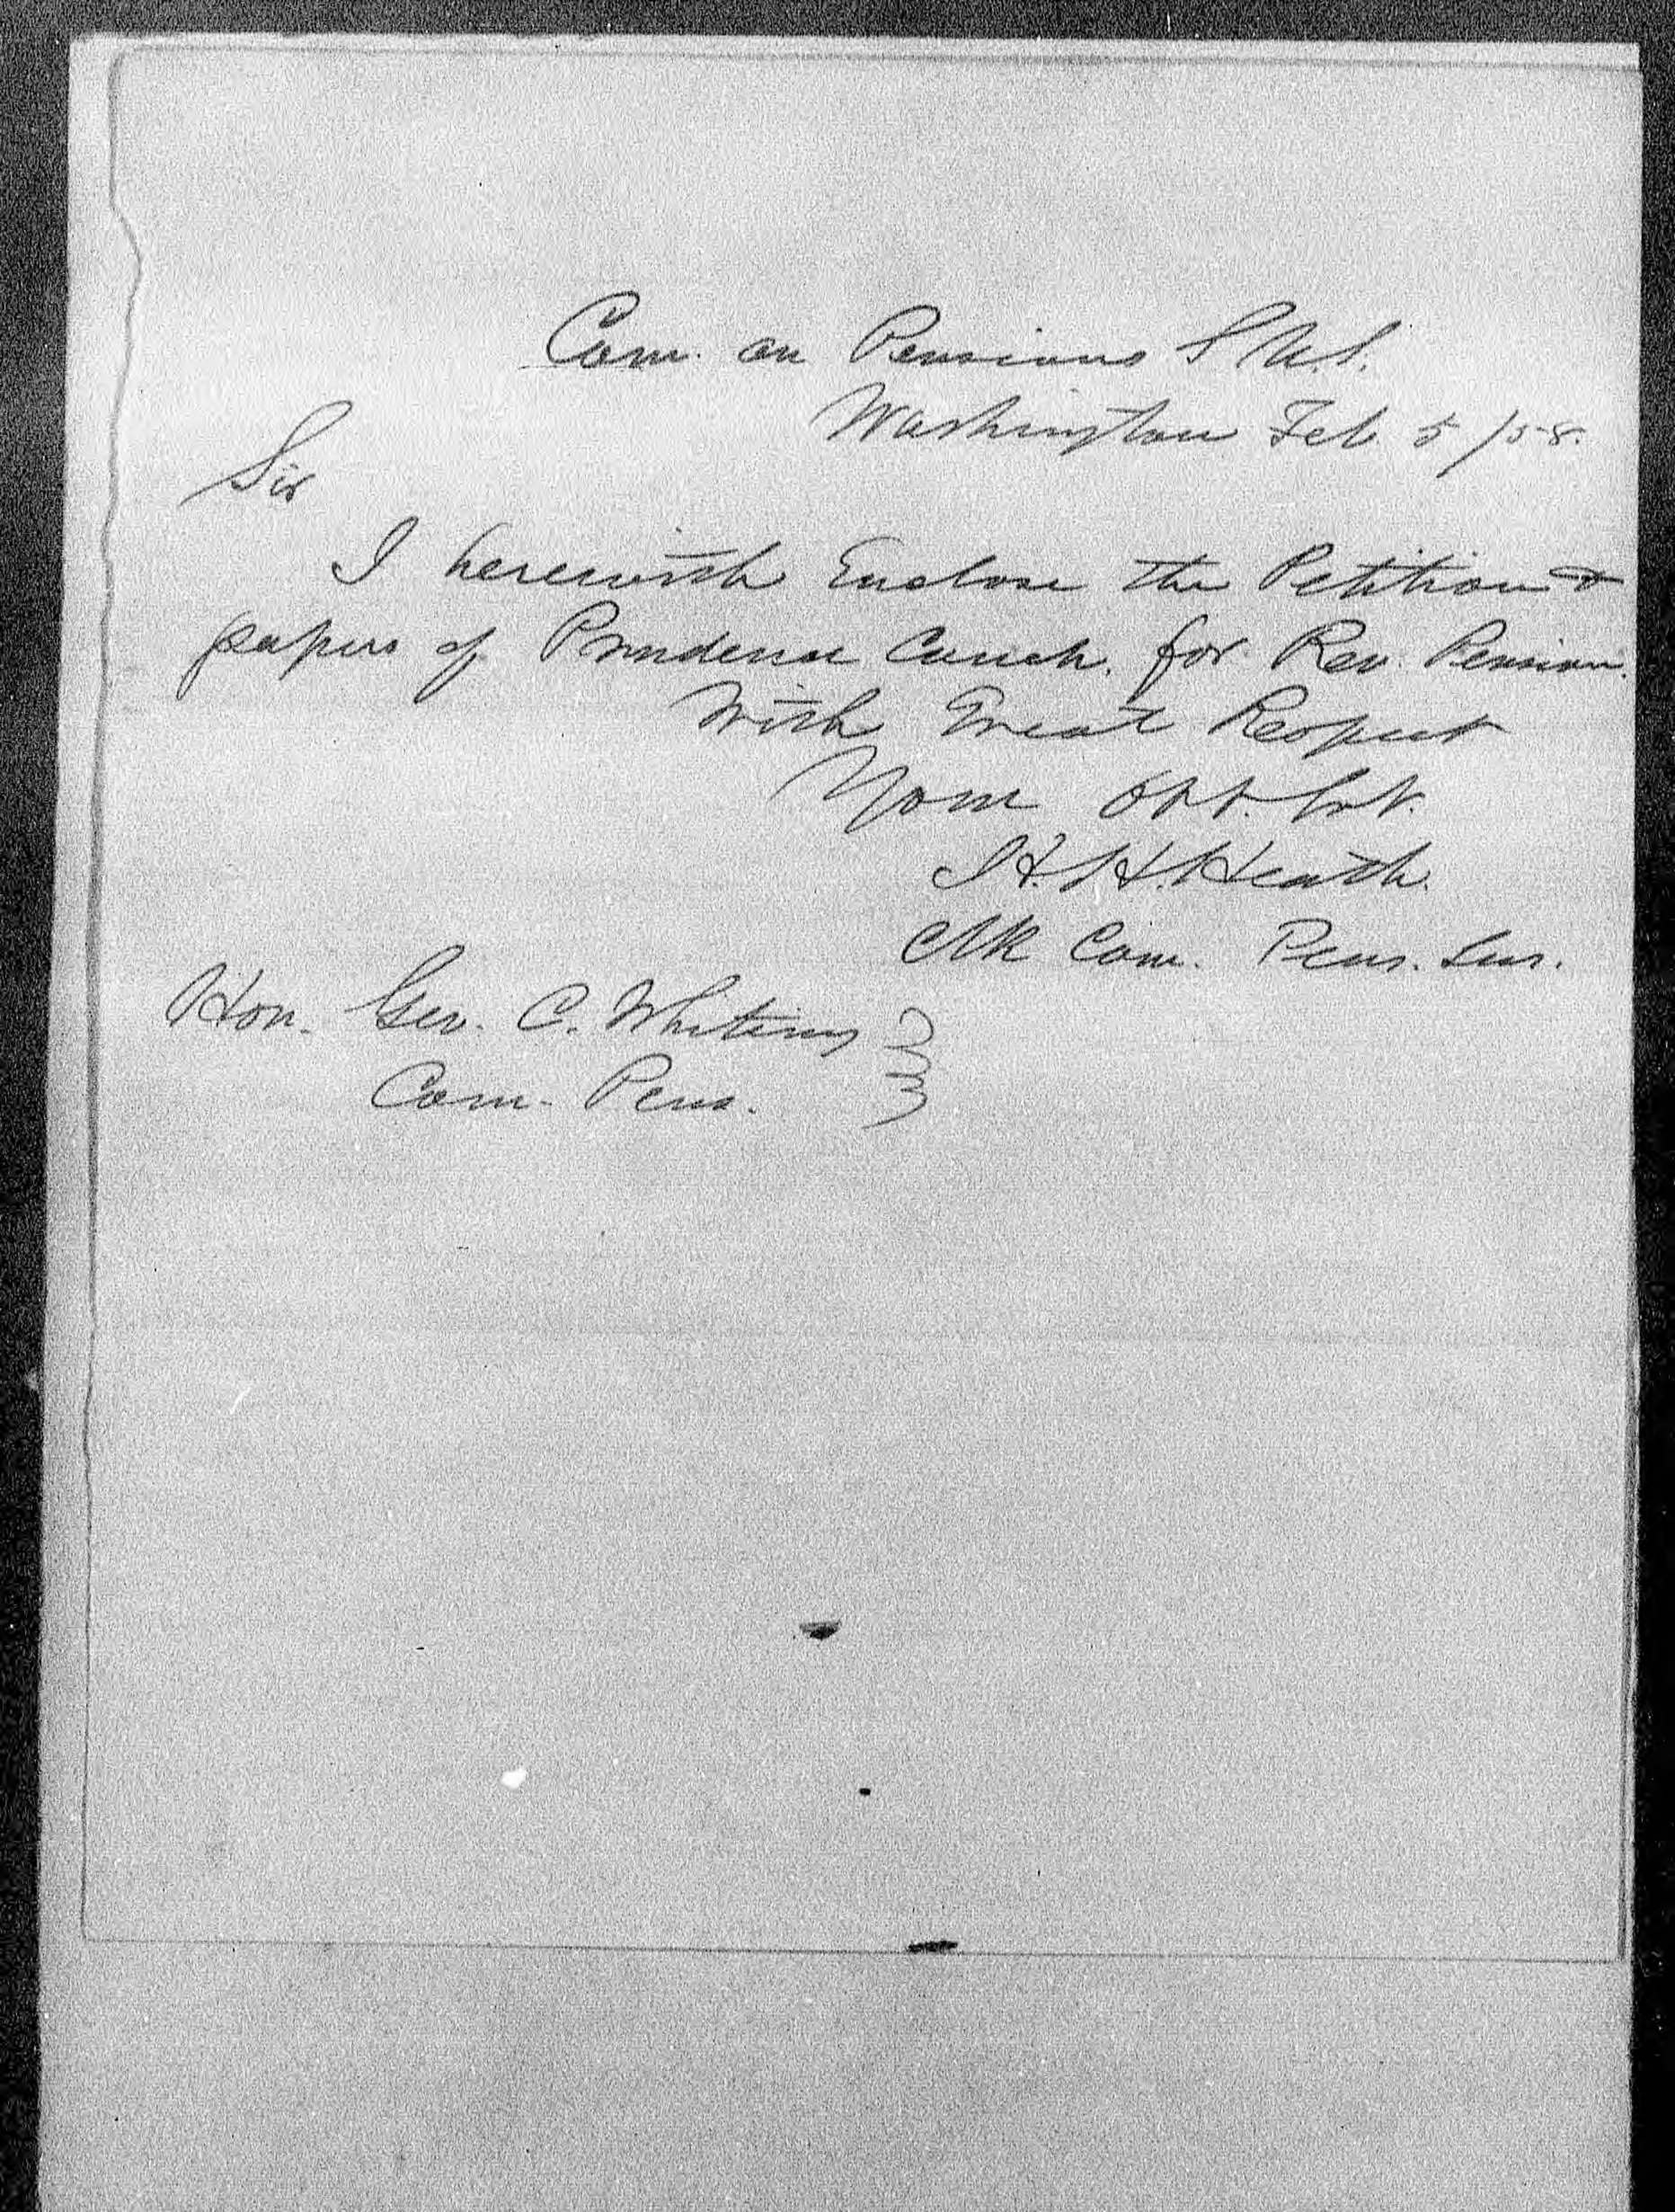Com. on Pensions SWS
Washington  Feb 5/58

Sir
I herewith enclose the petition & papers of Prudence Couch for Rev Pension 

with Great Respect
Your Obt. Svt.
H.H. Heath
Clk Com. Pens. Lur.

Hon. Geo. C. Whiting}
Com. Pens}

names: Prudence Couch, Geo C Whiting, H H Heath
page: 54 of 68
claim: rejected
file: R. 2,360, John Couch, Conn.